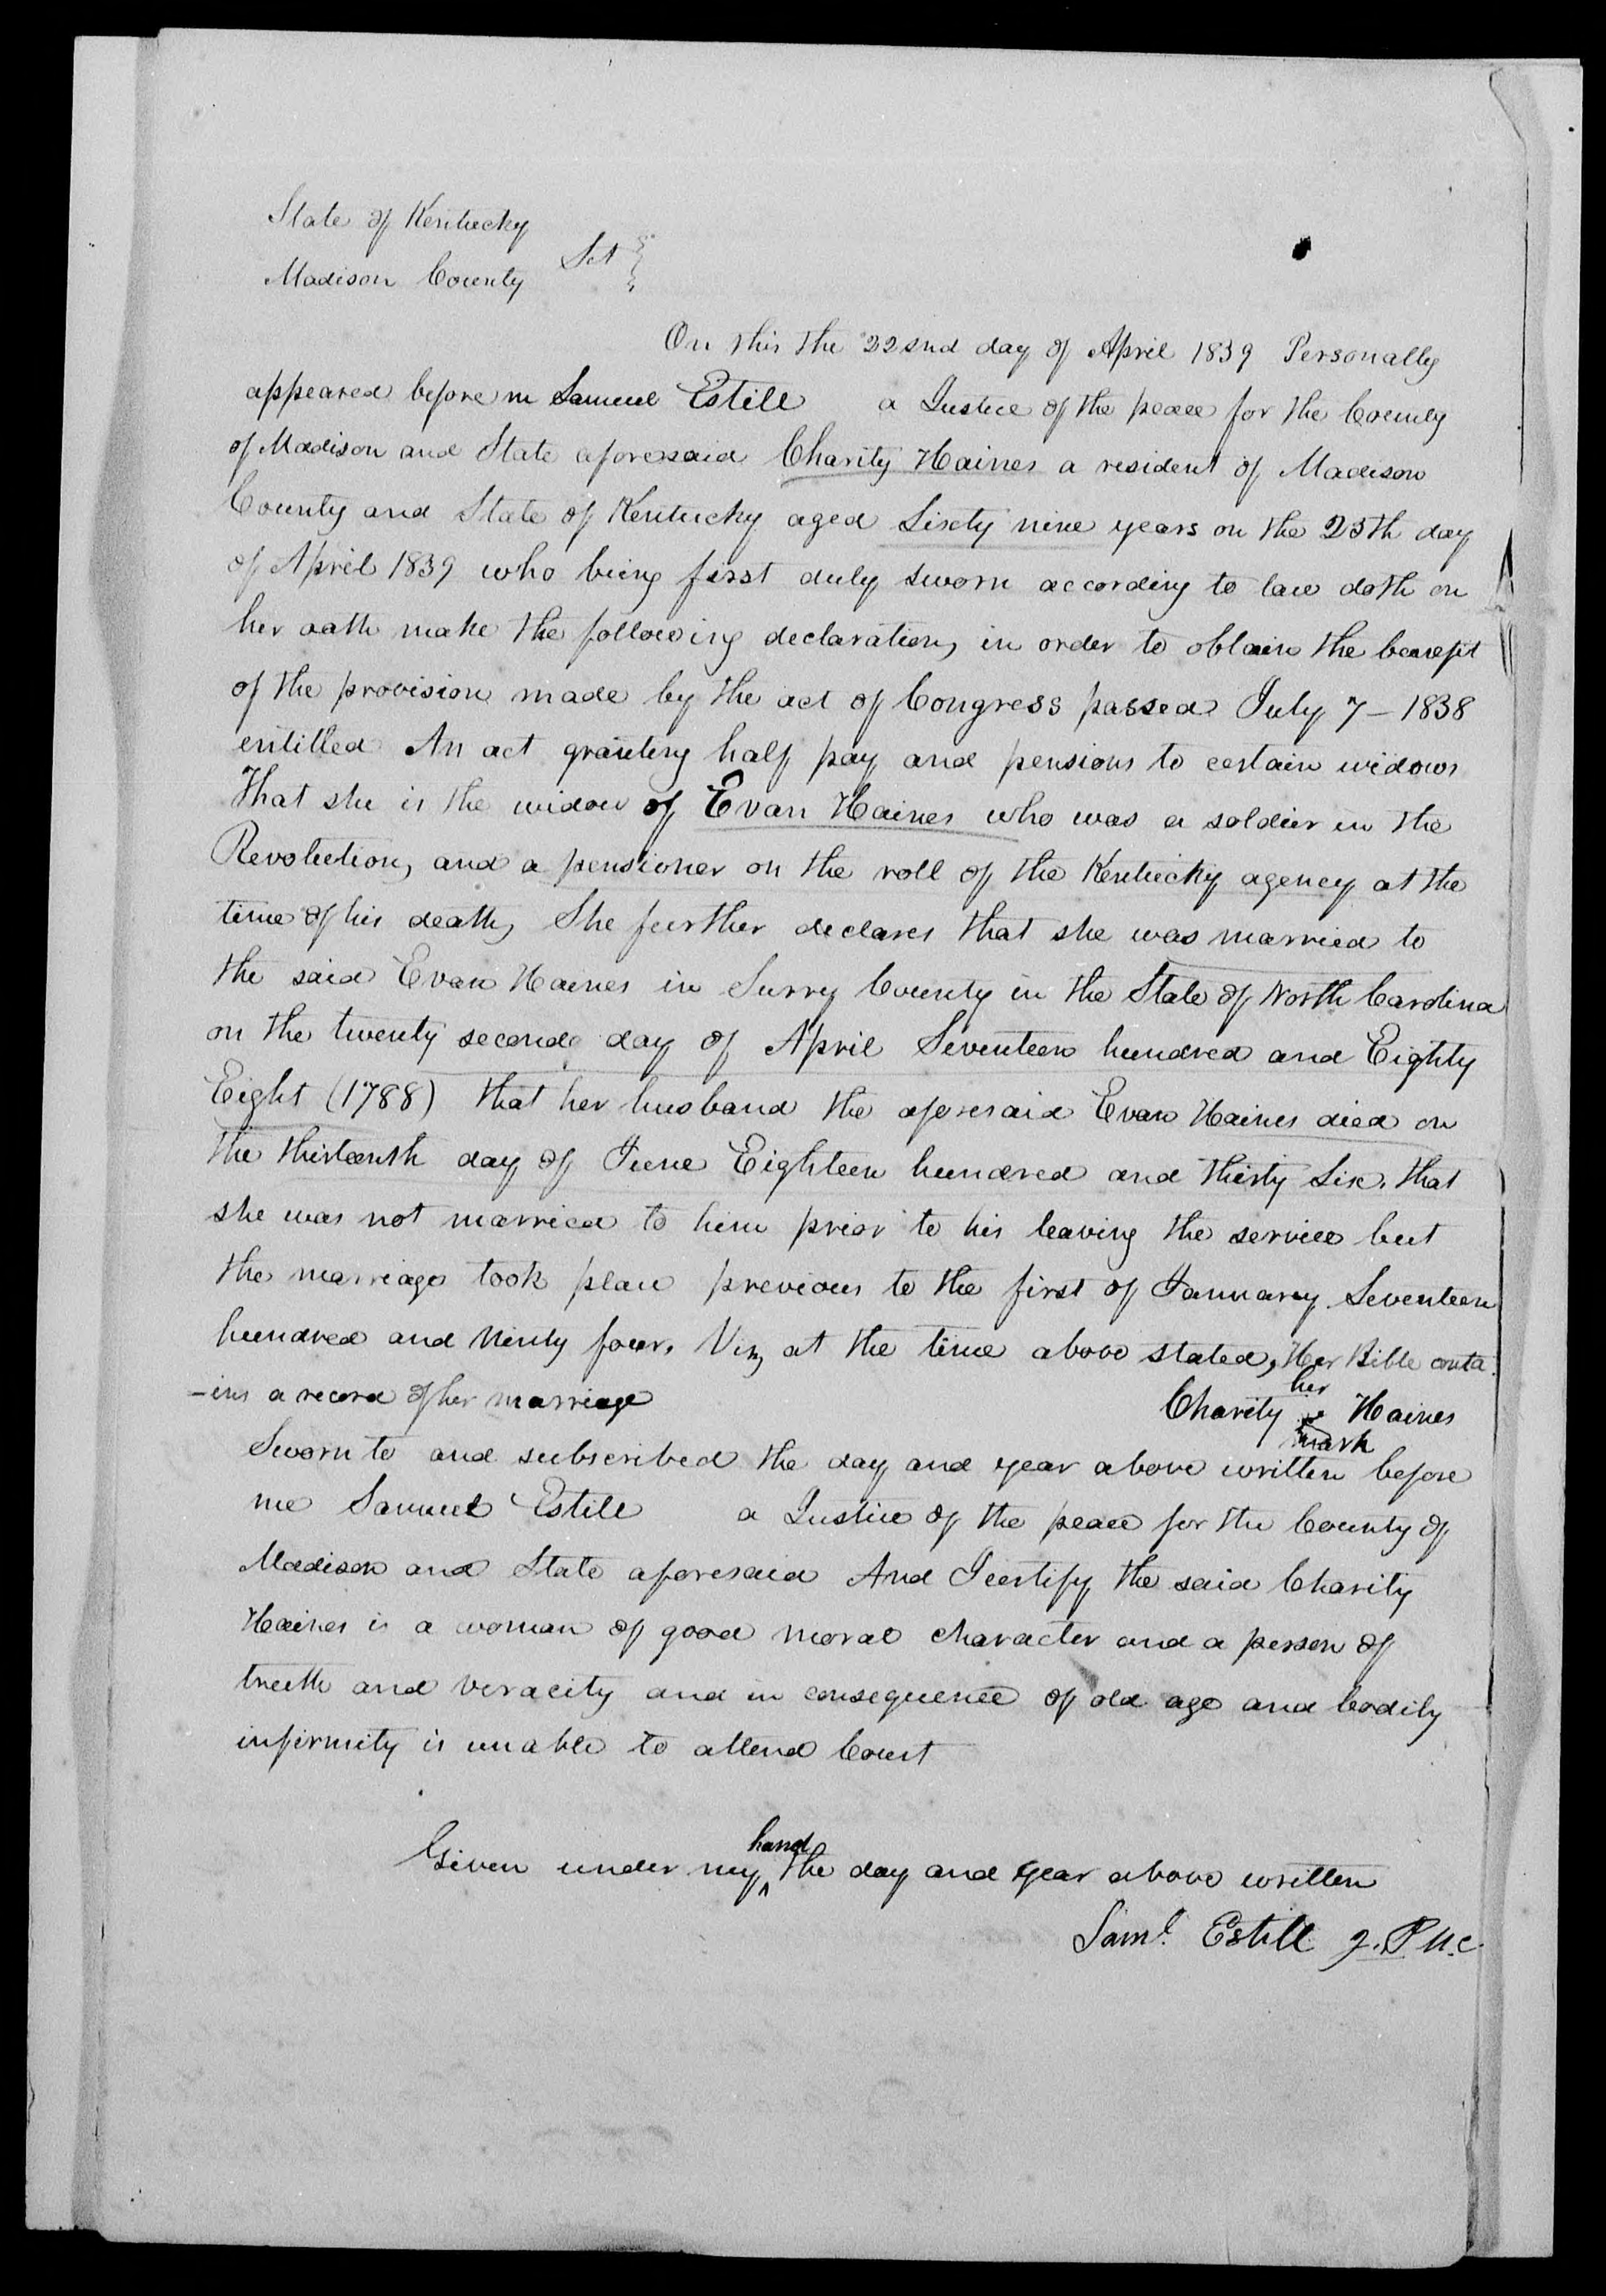State of Kentucky  Set.{
Madison County
On this the 22nd day of April 1839 Personally appeared before me Samuel Estill  a justice of the peace for the County of Madison and State aforesaid. Charity Haines a resident of Madison County and State of Kentucky aged sixty nine years of age on the 20th day of April 1839 who being first duly sworn according to law doth on her oath make the following declaration, in order to obtain the benefit of the provision made by the act of Congress passed July 7-1838 entitled as act granting half pay and pensions to certain widows. That she is the widow of Evan Haines who was a soldier in the Revolution, and a pensioner on the roll of the Kentucky agency at the time of his death. She further declares that she was married to the said Evan Haines in Surry County in the State of North Carolina on the twenty second day of April seventeen hundred and eighty eight (1788)  that her husband the aforesaid Evan Haines died on the thirteenth day June eighteen hundred and thirty six, that she was not married to him prior to his leaving the service but the marriage took place previous to the first of January seventeen hundred and ninety four.      at the time above stated, her bible contains a record of the marriage.  Charity Haines

Sworn to and subscribed the day and year above written before me Samuel Estill a justice of the peace for the County of Madison is a woman of good moral character and a person of truth and veracity and consequence of old age and bodily infirmity is unable to attend Court. 
Given under my hand the day and year above written
Samuel Estill J.Puc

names: Evan Haines, Evan Haines, Saml Estill, Charity Haines, Samuel Estill, Charity Haines, Samuel Estill, Charity Haines, Evan Haines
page: 10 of 34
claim: widow's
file: W. 8897, Evan Haines, Ga